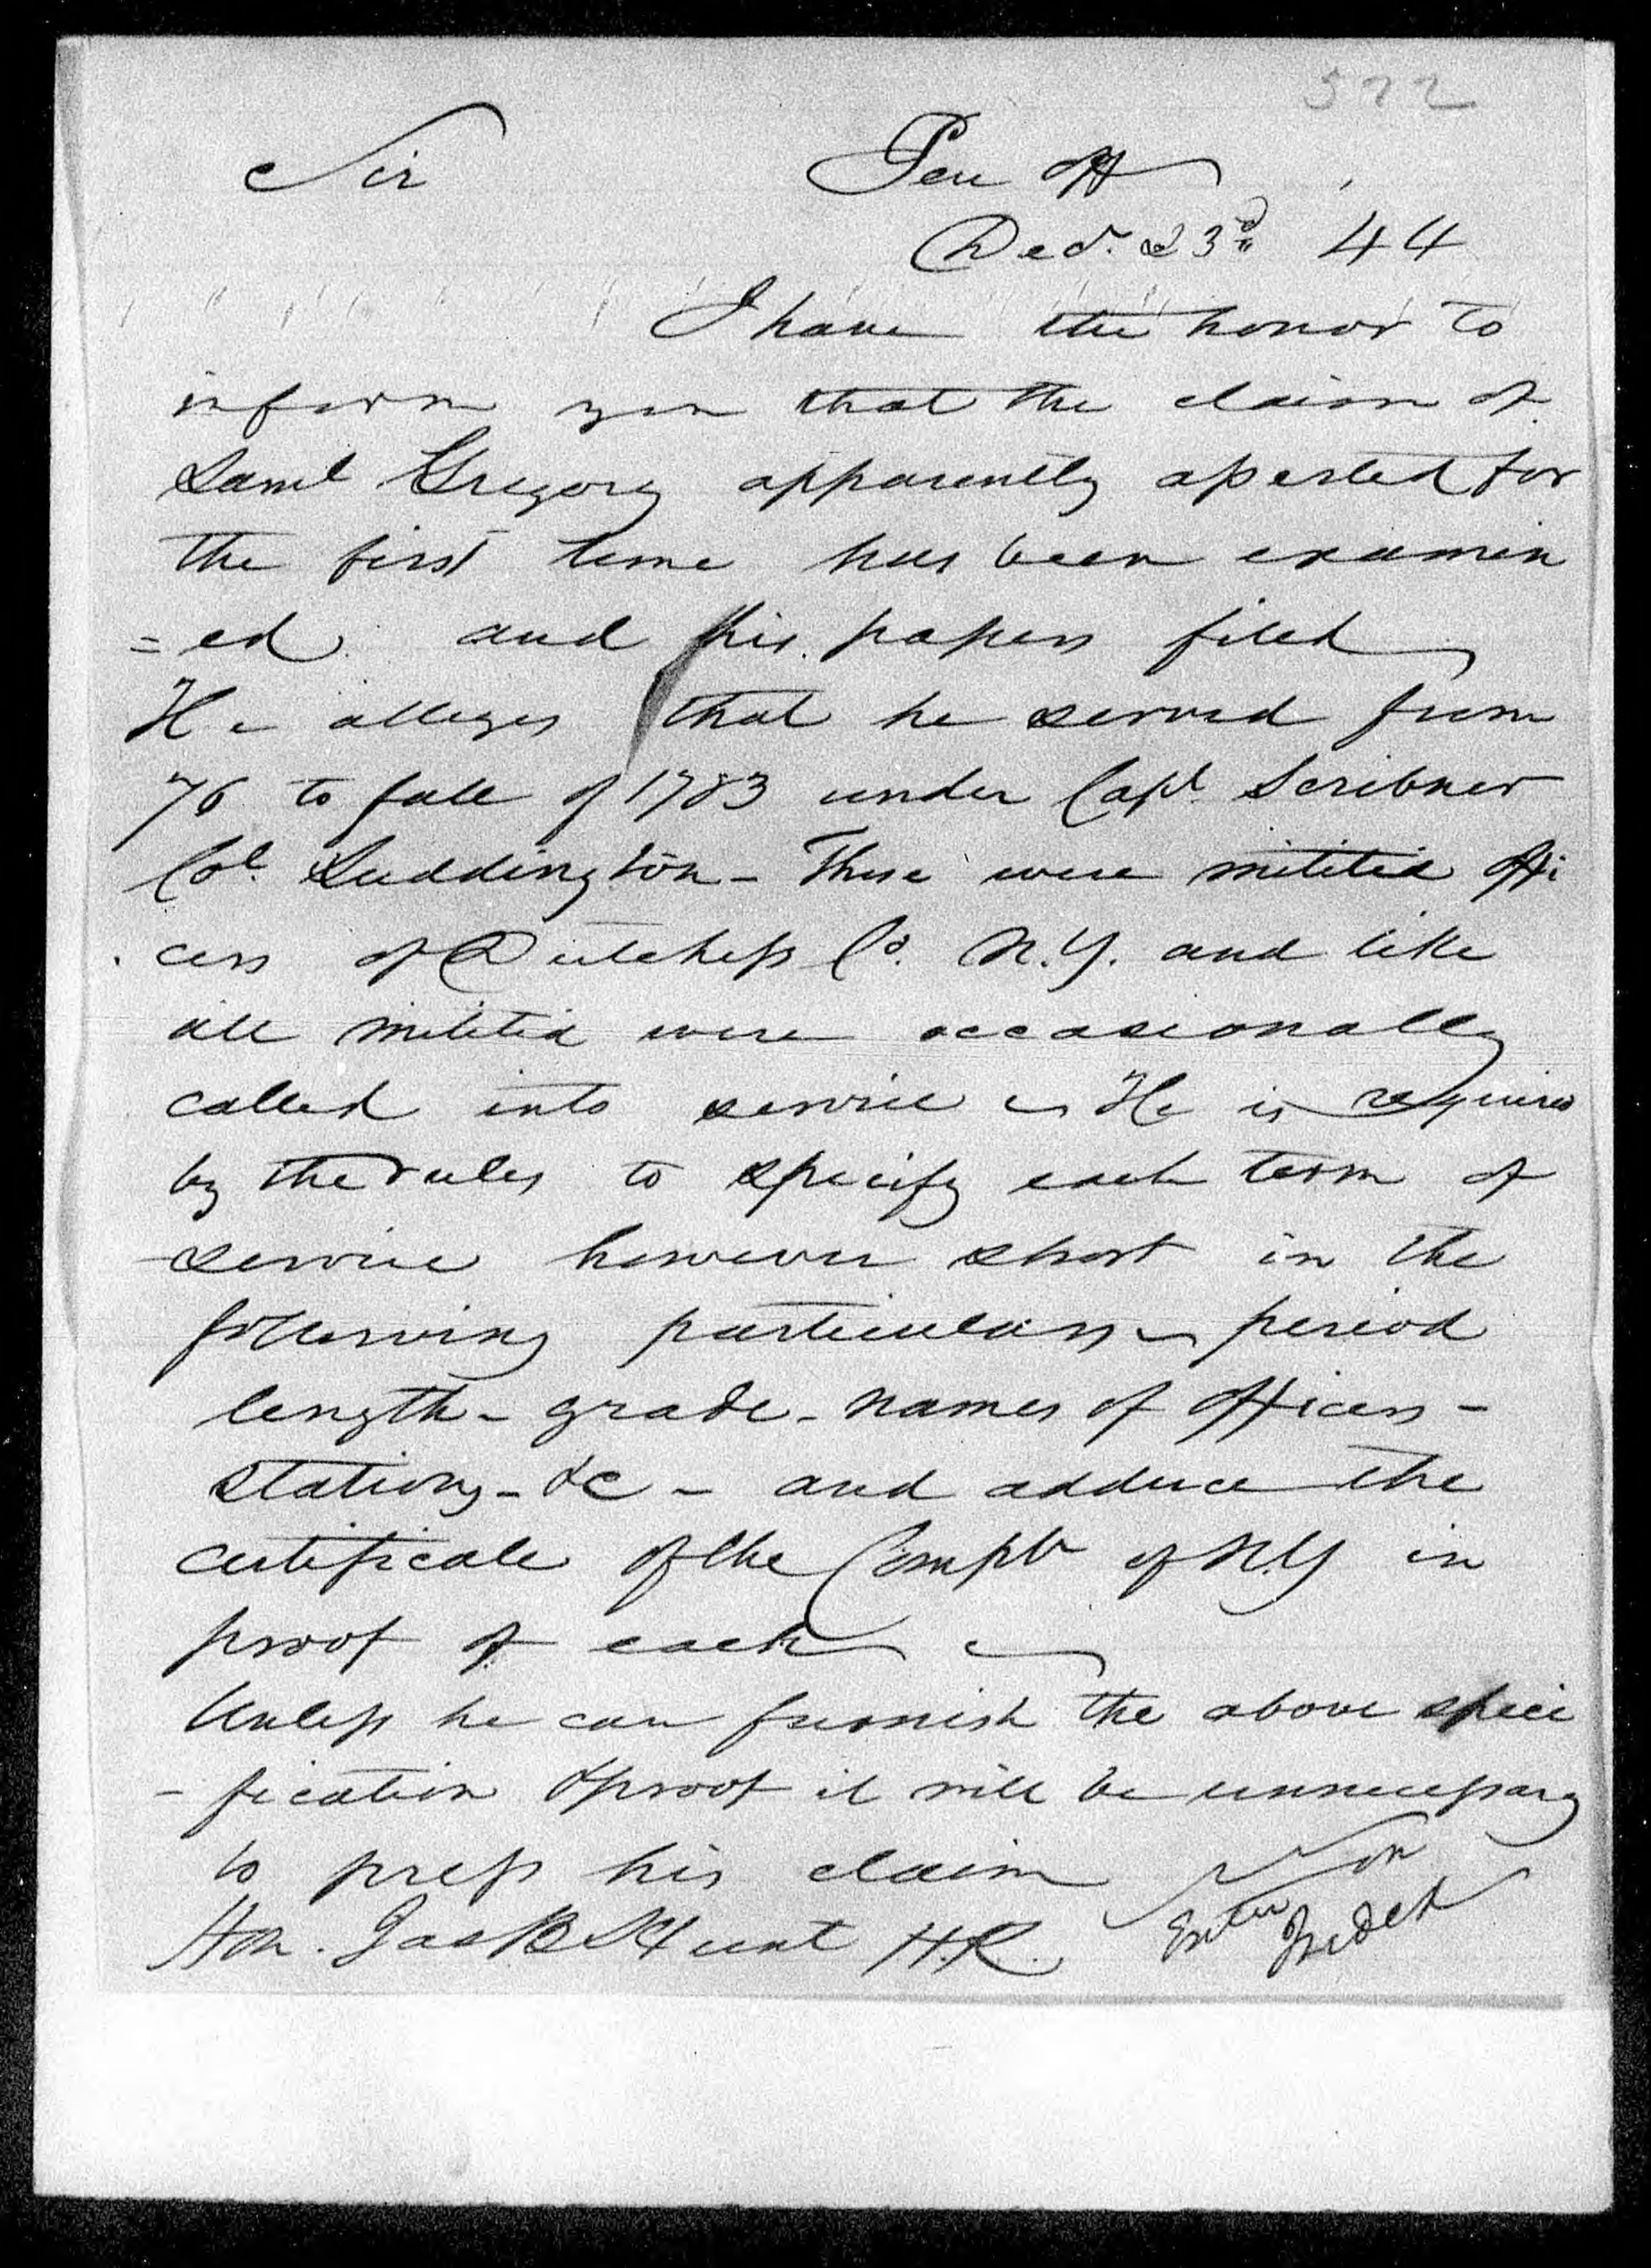Pen Off
Dec 23d 44

 Sir

I have the honor to inform you that the claim of Aml Gregory apparently [illegible] for the first time has been examined and his papers filed, He alleges that he served from 76 to fall of 1783 under Capt Scribner Col Luddington. There were militia officers of Dutchess Co N.Y. and like all militia were occasionally called into service - He is required by the rules to specify each term of service however short in the following particular period - length - grade- and names of officers - station & adduce the certificate of the Compy of NY in proof of each --
Unless he can furnish the above specification of proof if mil be unnecessary to prep his claim

Enter on 

Hon. Jas B Hunt H.R.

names: Jas B Hunt, Luddington, Saml Gregory, Scribner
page: 48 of 66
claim: rejected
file: R. 4298, Samuel Gregory, New York